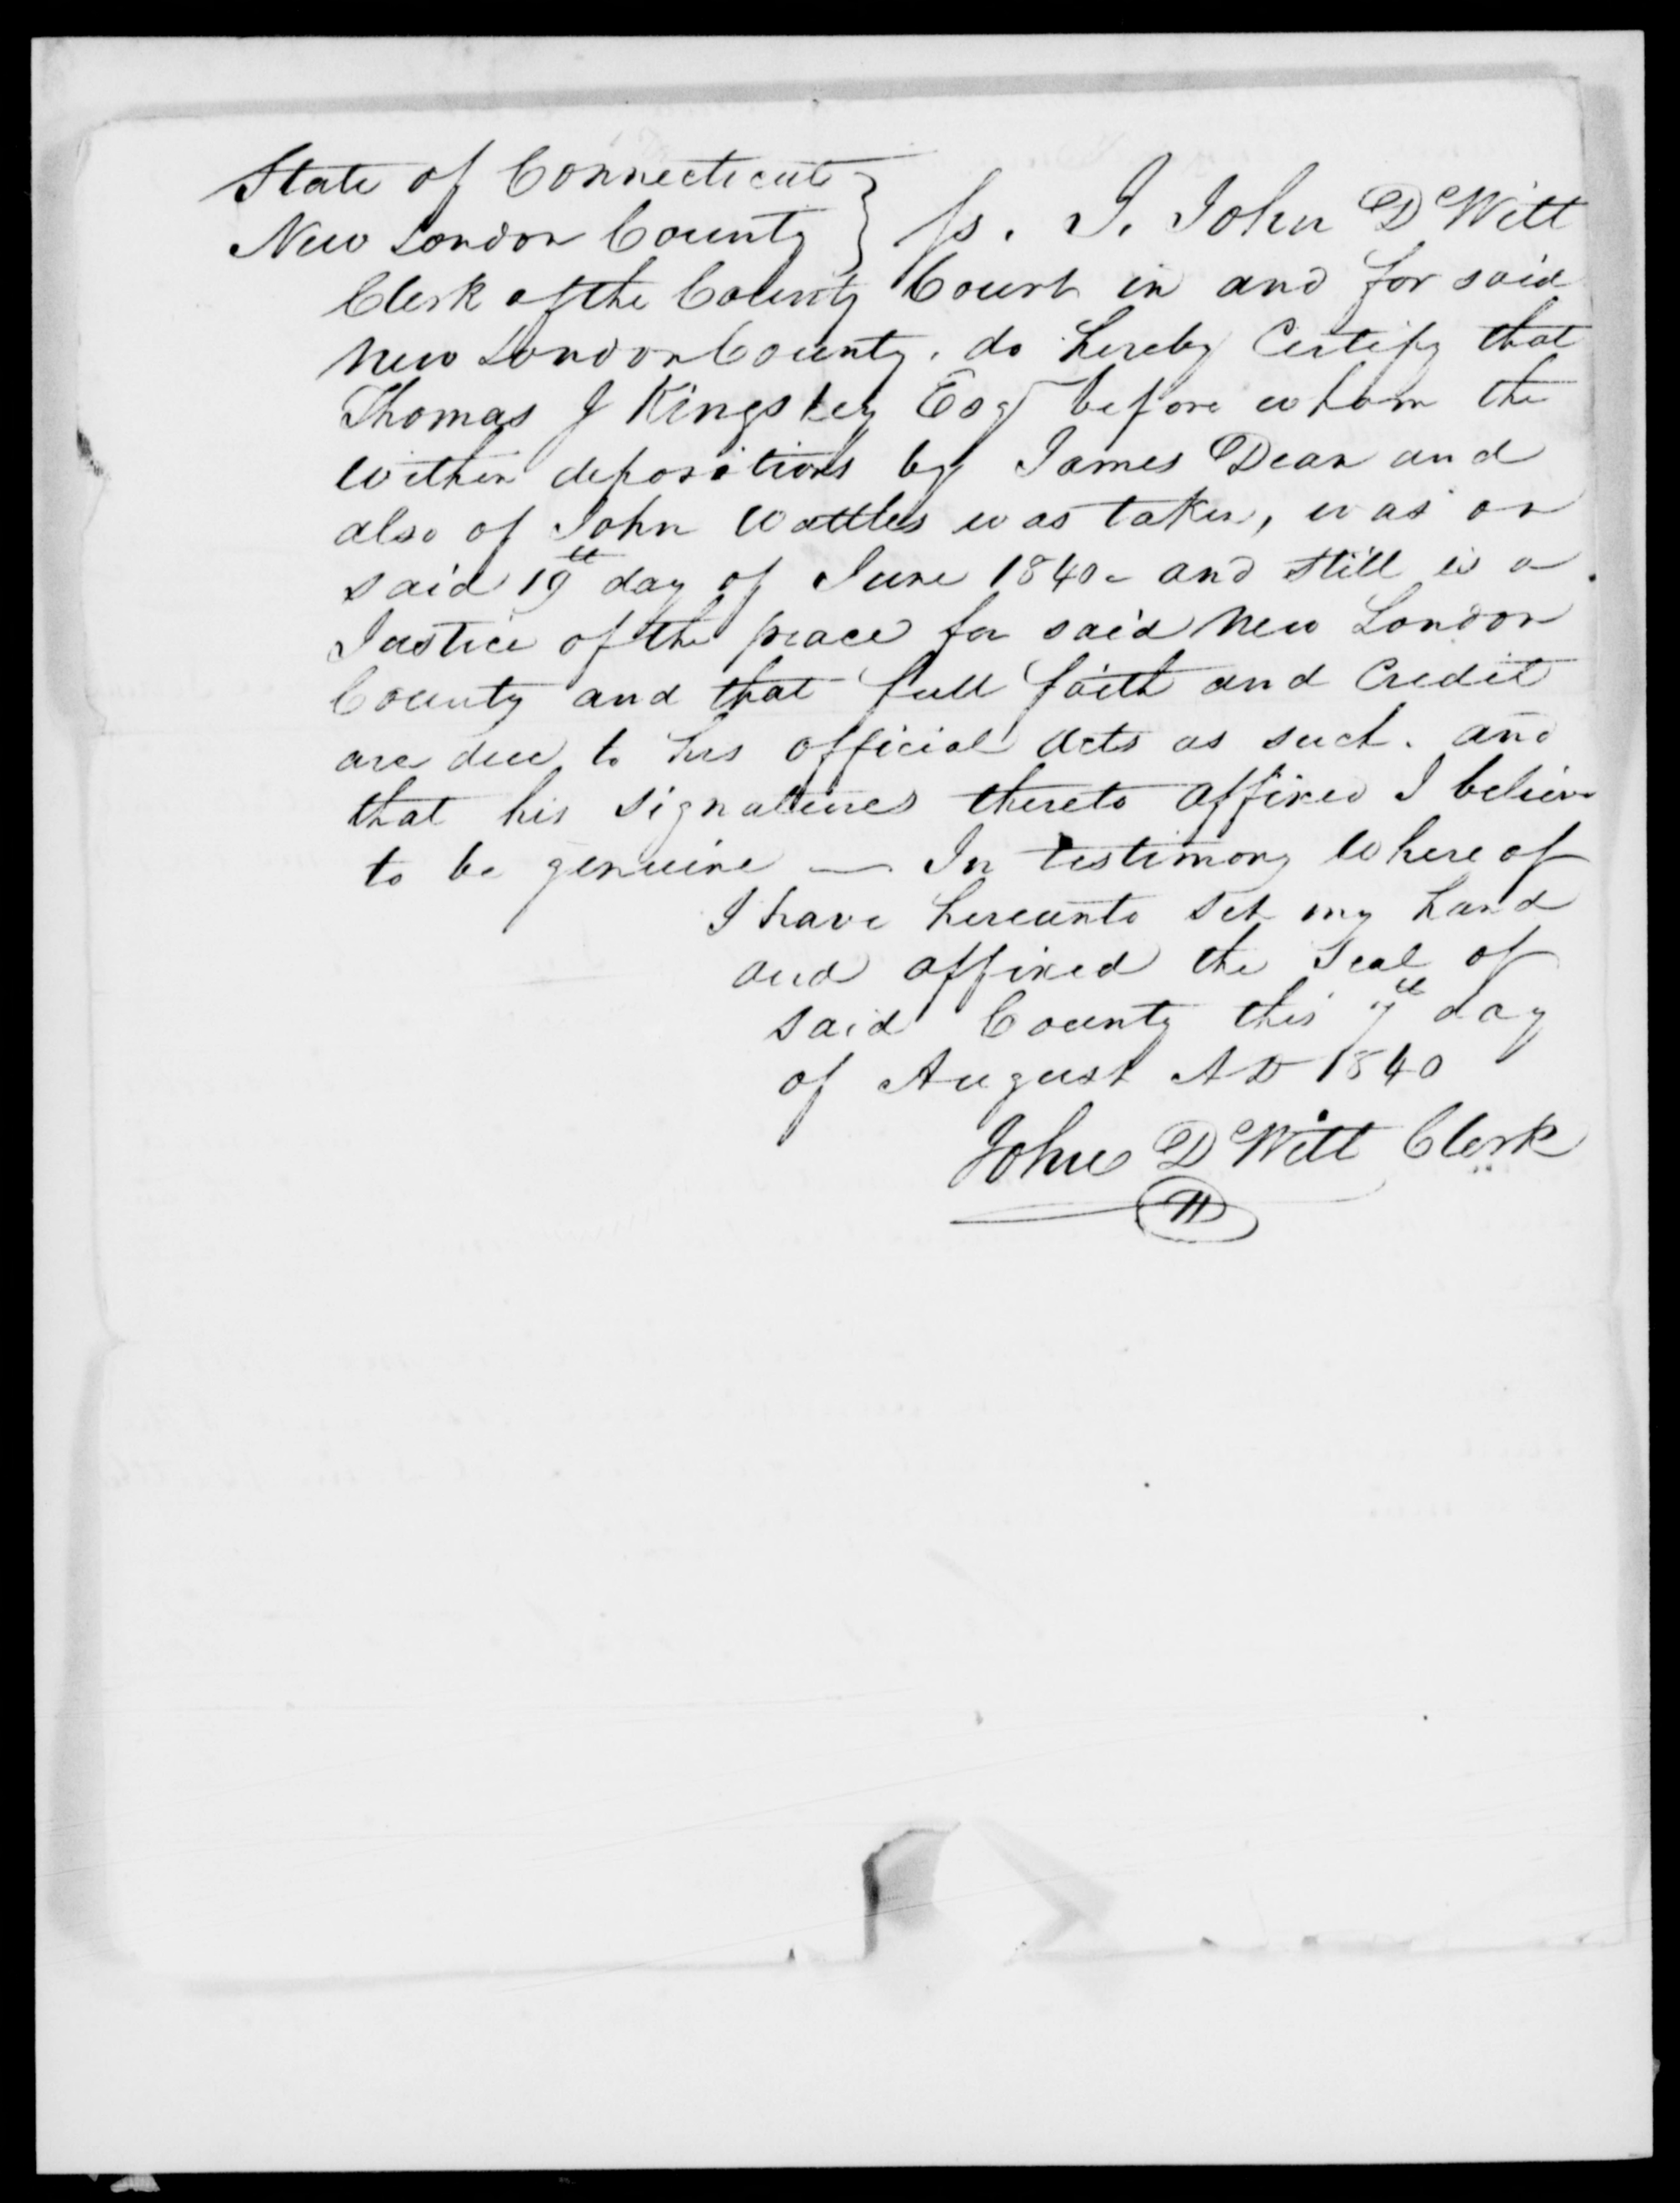State of Connecticut}
New London County] ss.

I, John D Witt clerk of the County Court in and for said New London County, do hereby certify that Thomas J Kingsley Esq. before whom the within depositions by James Dean and, also, of John Wattles was taken, was on said 19th day of June 1840 and still is a Justice of the peace for said New London County and that full faith and credit are due to his official acts as such and that his signatures thereto affixed, I believe to be genuine.

In testimony whereof I have hereunto set my hand and affixed the Seal of said County this 7th day of August A D 1840.
John D Witt   Clerk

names: Thomas J Kingsley, James Dean, John De Witt, John Wattles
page: 15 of 70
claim: widow's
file: W. 3743, Dan Wattles, Conn.